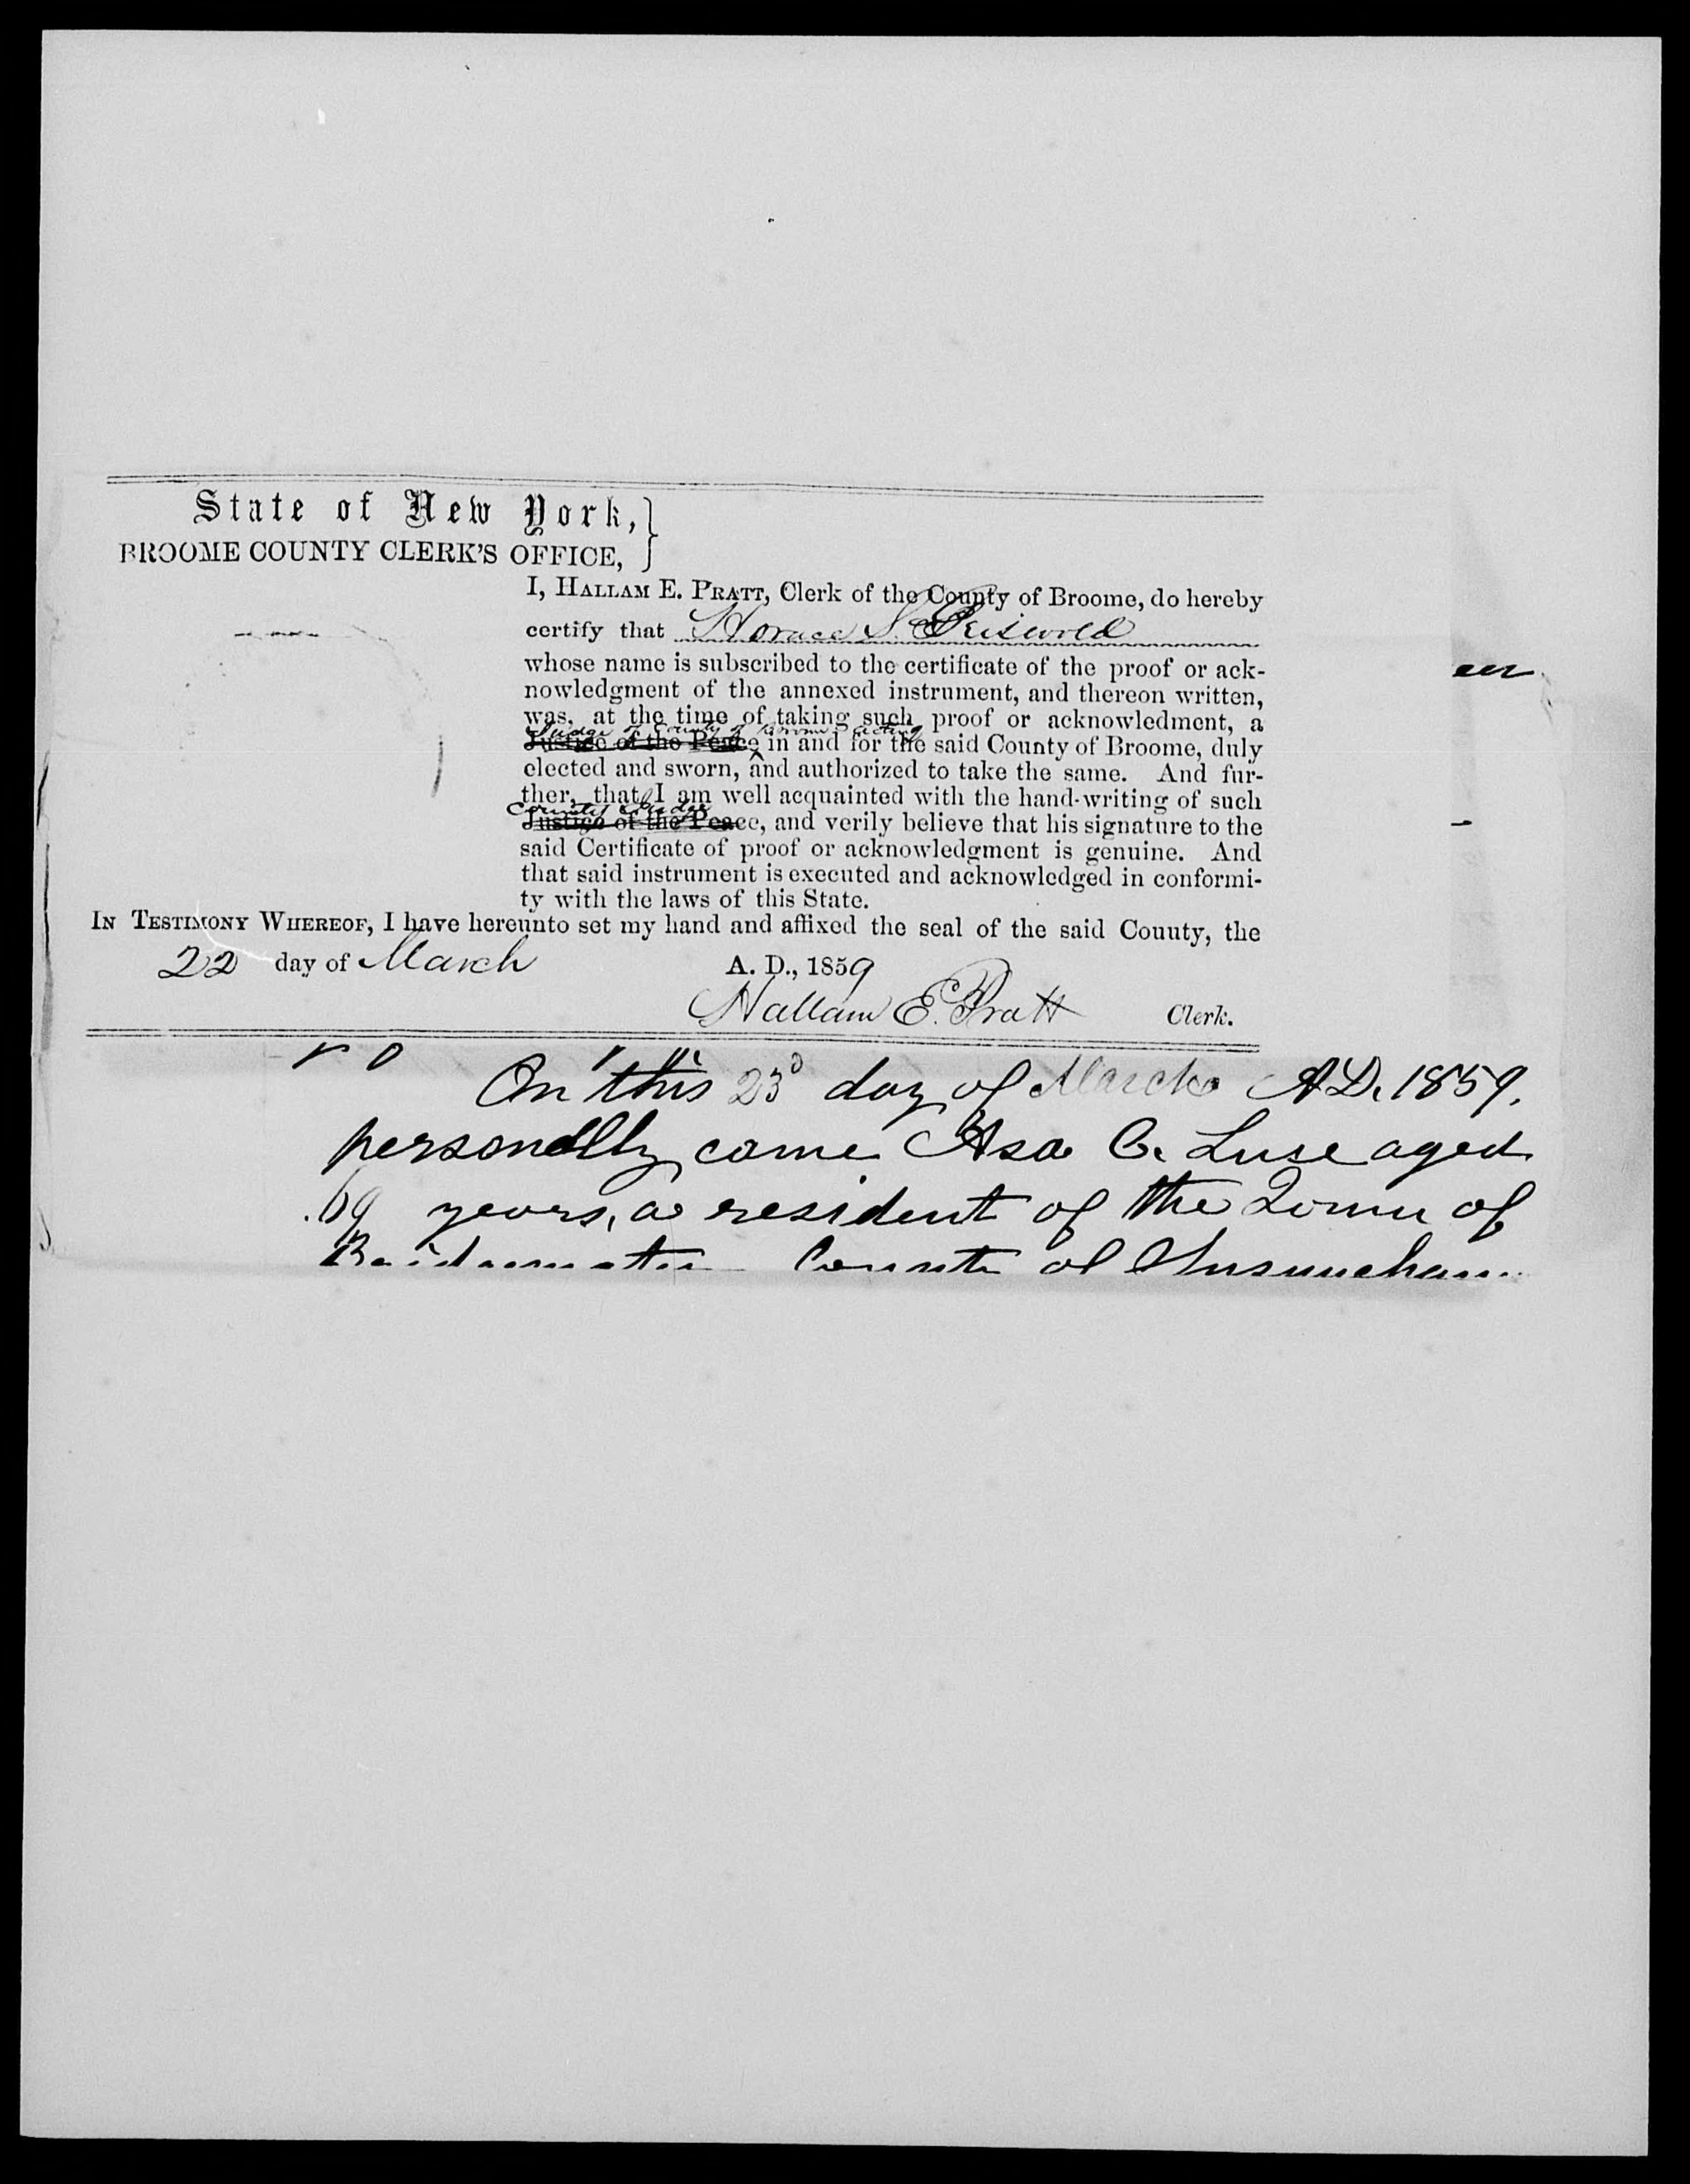State of New York,
BROOME COUNTY CLERK'S OFFICE,

I Hallam E. Pratt, Clerk of the County of Broome, do herby certify that Horace S. Griswold whose name is subscribed to the certificate of the proof or acknowledgment of the annexed instrument, and thereon written, was, at the time of taking such proof or acknowledment, a Judge of County of Broome Acting in and for the said County of Broome, duly elected and sworn, and authorized to take the same.  And further, that I am well acquainted with the hand-writing of such County Judge, and verily believe that his signature to the said Certificate of proof or acknowledgment is genuine.  And that said instrument is executed and acknowledged in conformity with the laws of this State.

In Testimony Whereof, I have hereunto set my hand and affixed the seal of the said County, the 22 day of March A.D., 1859

[signed]
Hallam E. Pratt Clerk.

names: Hallam E Pratt; Horace S Griswold; Asa C Luce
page: 5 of 70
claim: rejected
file: R. 6510, for Israel Luce, New York